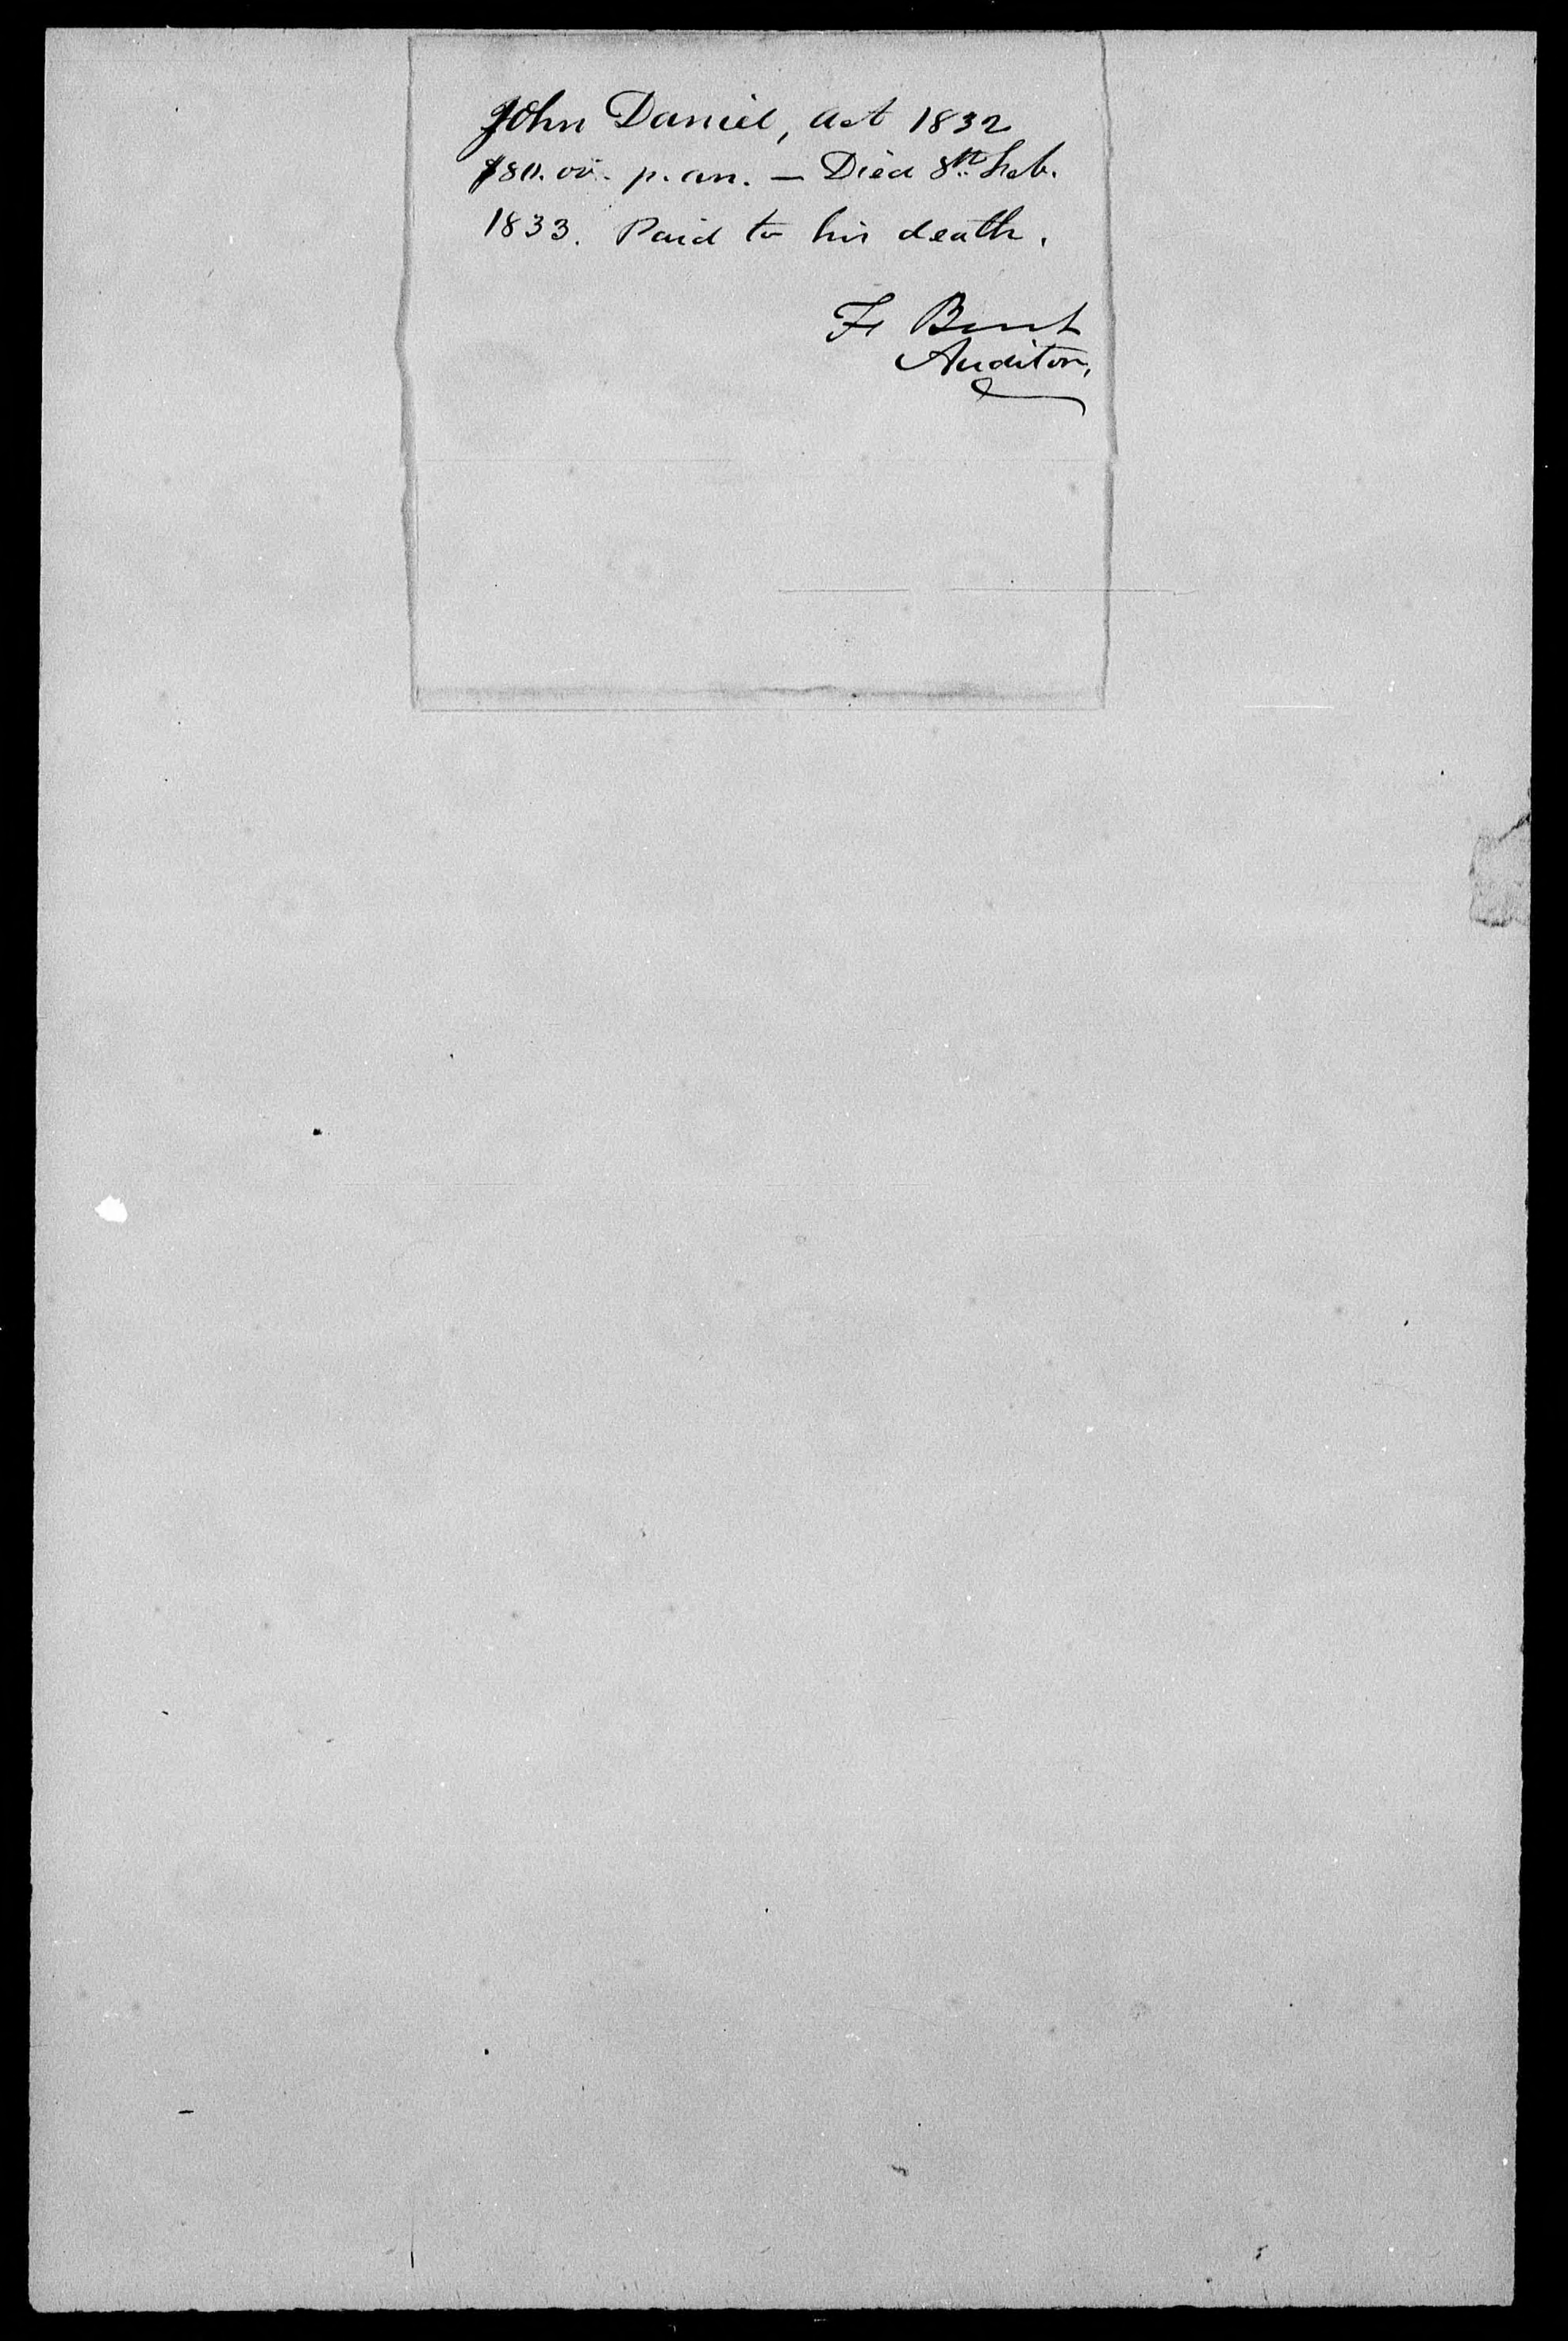John Daniel, Act 1832
$811.00 p. an. - Died 8th Feb.
1833.  Paid to his death.
F. Bent
Auditor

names: F Bust, John Daniels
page: 16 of 43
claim: widow's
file: W 683, John Daniels, Continental Mass. N.H.